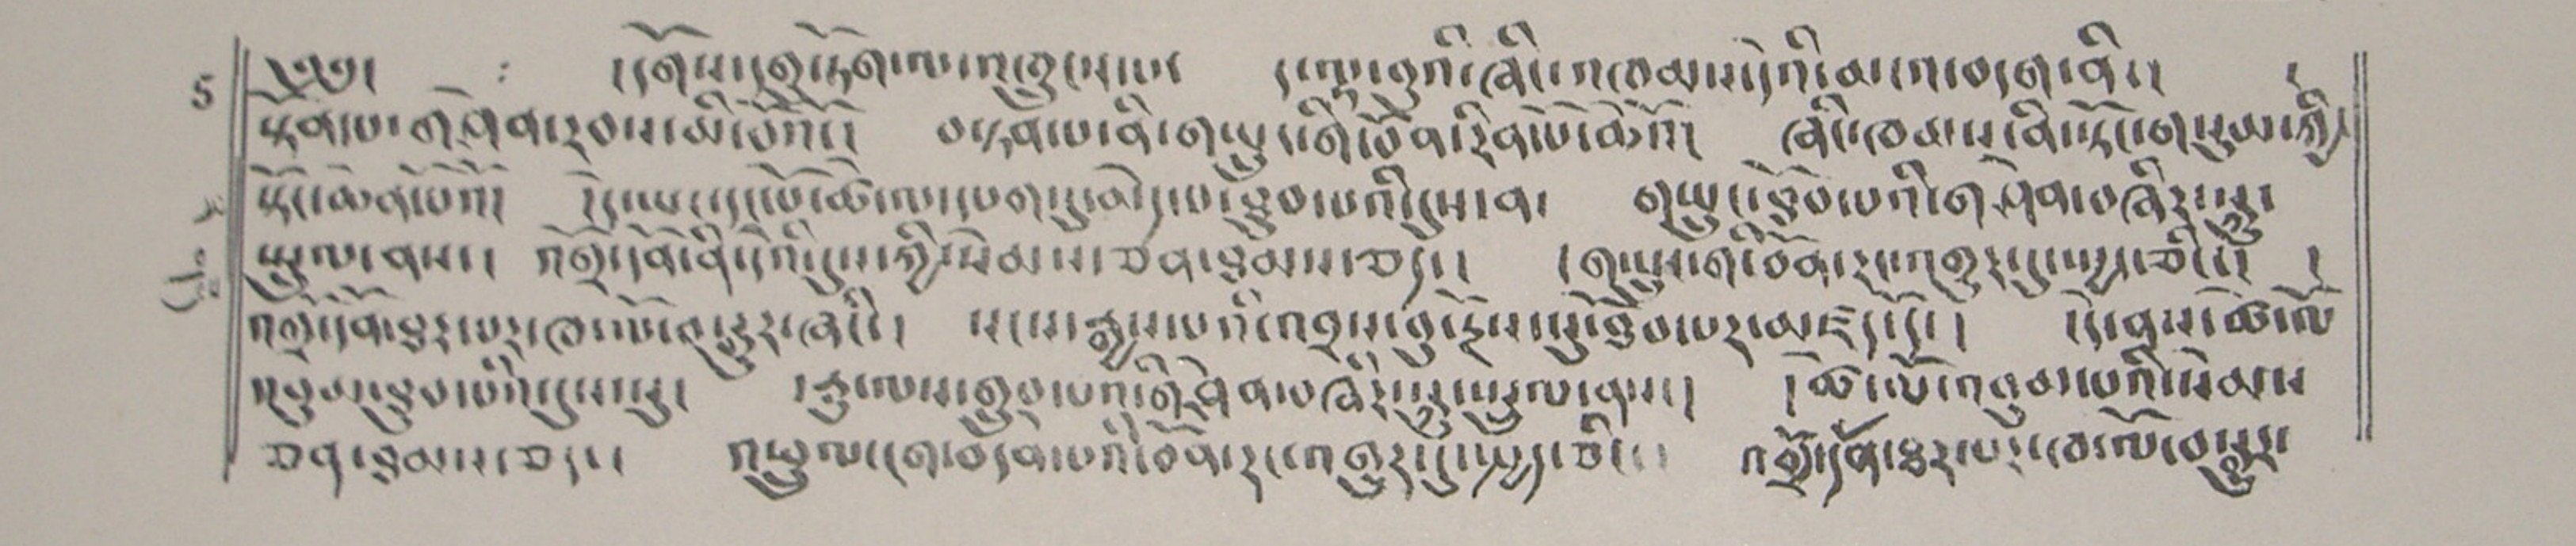༄༅། །དགོས་དགུ་ཏོག་ལ་འཁྲུངས་ས། དེ་ལྟ་བུའི་ཞིང་ཁམས་དེའི་མངའ་བདག་ནི། 
སྟོན་པ་གཤེན་རབ་མི་བོའོ། །བསྟན་པ་ནི་གཡུང་དྲུང་གི་བོན་རིན་པོ་ཆེའོ། །ཞིང་ཁམས་ནི་སྟོང་གསུམ་གྱི་
སྟོང་ཆེན་པོའོ། །དེ་ཡང་དང་པོ་ཚེ་ལོ་དཔག་ཏུ་མེད་པ་ཐུབ་པའི་དུས་ན༑ གཡུང་དྲུང་ཐོབ་པའི་གཤེན་བཞིར་སྐུ་
སྤྲུལ་ནས། འགྲོ་དོན་ནི་དེའི་དུས་ཀྱི་སེམས་ཅན་ཐམས་ཅད། གཡུང་དྲུང་གི་བོན་རང་འགྱུར་དུ་སྤྱད་ཅིང་། 
འགྲོ་དོན་ཐར་བར་ཁ་ལོ་བསྒྱུར་ཞིང་། སངས་རྒྱས་པའི་འབྲས་བུ་རྔོས་[དངོས]སུ་ཐོབ་པར་མཛད་དོ། །དེ་ནས་ཚེ་ལོ་
འབུམ་ཐུབ་པའི་དུས་ས། རྒྱུ་ལས་གྲུབ་པའི་གཤེན་བཞིར་སྐུ་སྤྲུལ་ནས། ཚེ་ལོ་འབུམ་པའི་སེམས་
ཅན་ཐམས་ཅད། འཕྲུལ་ངག་བདེན་པའི་བོན་རང་འགྱུར་དུ་སྤྱད་ཅིང་། འགྲོ་དོན་ཐར་བར་ཁ་ལོ་བསྒྱུར་